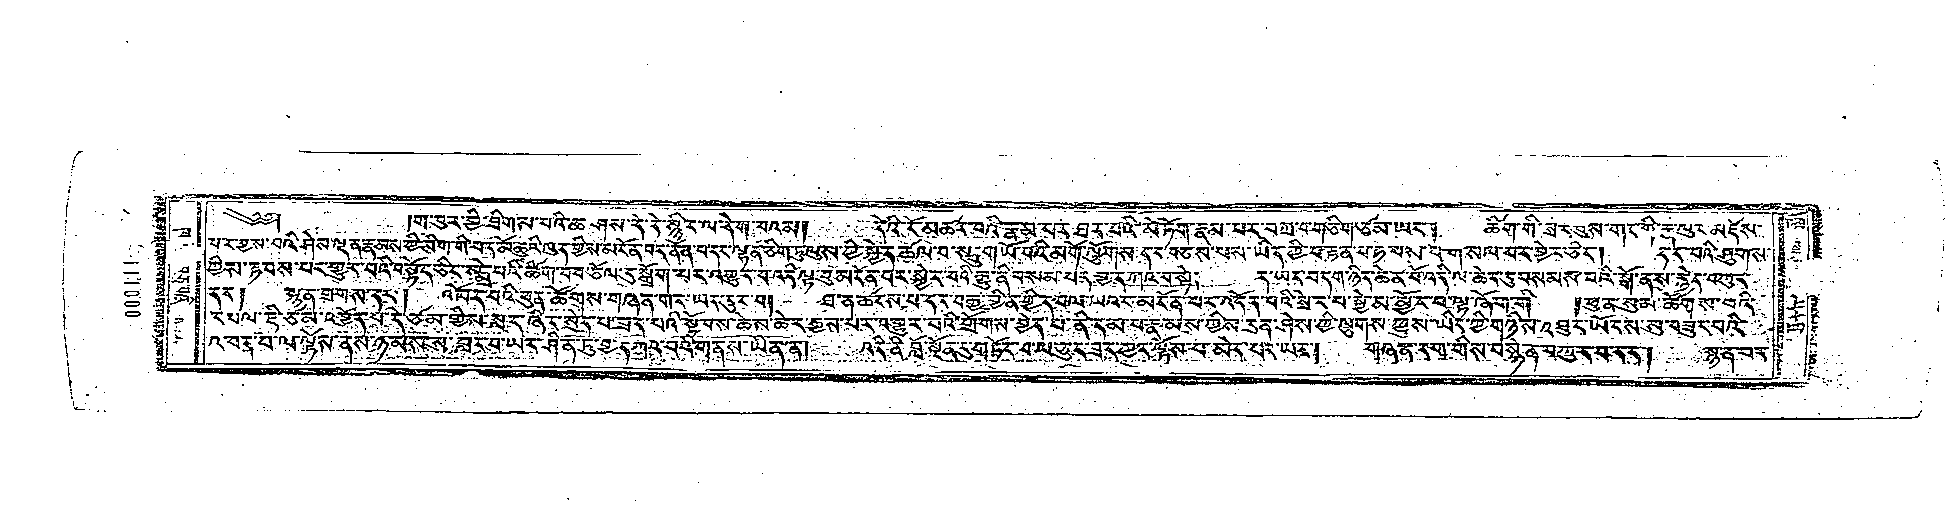༄༅། །ག་བུར་གྱི་ཐིགས་པའི་ཆ་ཤས་རེ་རེ་སྙིང་ལ་རེག་པའམ། དེའི་ངོ་མཚར་བའི་རྣམ་པར་ཐར་པའི་མེ་ཏོག་རྣམ་པར་བཀྲ་བ་གཅིག་ཙམ་ཡང་། ཚིག་གི་སྲང་བུས་གང་གི་རྣ་ལུང་མཛེས་
པར་བྱས་པའི་ཤེས་ལྡན་རྣམས་ཀྱི་མིག་གི་པར་མོ་ཆུའི་ལུད་གྱིས་མངོན་བར་ནོན་པ་དང་ལྷན་ཅིག་ཏུ་ལུས་ཀྱི་སྐྱེད་ཚལ་བ་སྤུ་གཡོ་བའི་མགོ་ལྕོགས་དང་བཅས་པས་ཡིད་ཀྱི་བརྟན་པ་ཏ་པས་པ་གསལ་བར་བྱེད་ཅིང་། དད་པའི་ཤུགས་
ཀྱིས་རྟབས་པར་གྱུར་བའི་བསྟོད་ཅིང་སྨྲེ་པའི་ཚིག་བབ་ཅོལ་དུ་སྒྲོག་པར་འགྱུར་བ་འདི་ལྟ་བུ་མངོན་བར་སྐྱེད་བའི་རྒྱུ་ནི་བསམ་པར་བྱ་དཀའ་བ་སྟེ། དེ་ཡང་བདག་ཉིད་ཆེན་པོ་འདི་ལ་ཆེད་དུ་བསམས་པའི་སྒོ་ནས་རྙེད་བཀུར་
དང་། སྙན་གྲགས་དང་། འཁོར་བའི་ཕུན་ཚོགས་གཞན་གང་ཡང་རུང་བ། ཐ་ན་ཚངས་པ་དང་བརྒྱ་བྱིན་གྱི་དཔལ་ལའང་མངོན་པར་འདོད་པའི་སྲེད་པ་སྐྱེ་མ་མྱོང་བ་ལྟ་ཞོག་གི །ཕུན་སུམ་ཚོགས་པའི་
དཔལ་ཇི་ཙམ་འབྱོར་པ་དེ་ཙམ་གྱིས་སླར་ཞིང་སྲིད་པ་ཟད་པའི་སྟོབས་ཆེས་ཆེར་རྒྱས་པར་འགྱུར་པའི་གྲོགས་བྱེད་པ་ནི་དམ་པ་རྣམས་ཀྱིས་དྲན་ཤེས་ཀྱི་ལྕགས་ཀྱུས་ཡིད་ཀྱི་གཉིས་འཐུང་ཡོངས་སུ་བཟུང་བའི་
འབད་པ་ལ་ལྟོས་ནས་ཉམས་སུ་བླང་བ་ཡང་ཤིན་ཏུ་བྱ་དཀའ་བའི་གནས་ཡིན་ན། འདི་ནི་བློ་སྔོན་དུ་གཏོང་བ་ལ་ཅུང་ཟད་ཀྱང་ལྟོས་པ་མེད་པར་ཡང་། གཞན་དག་གིས་བསྙེན་བཀུར་བ་དང་། སྙན་བར་